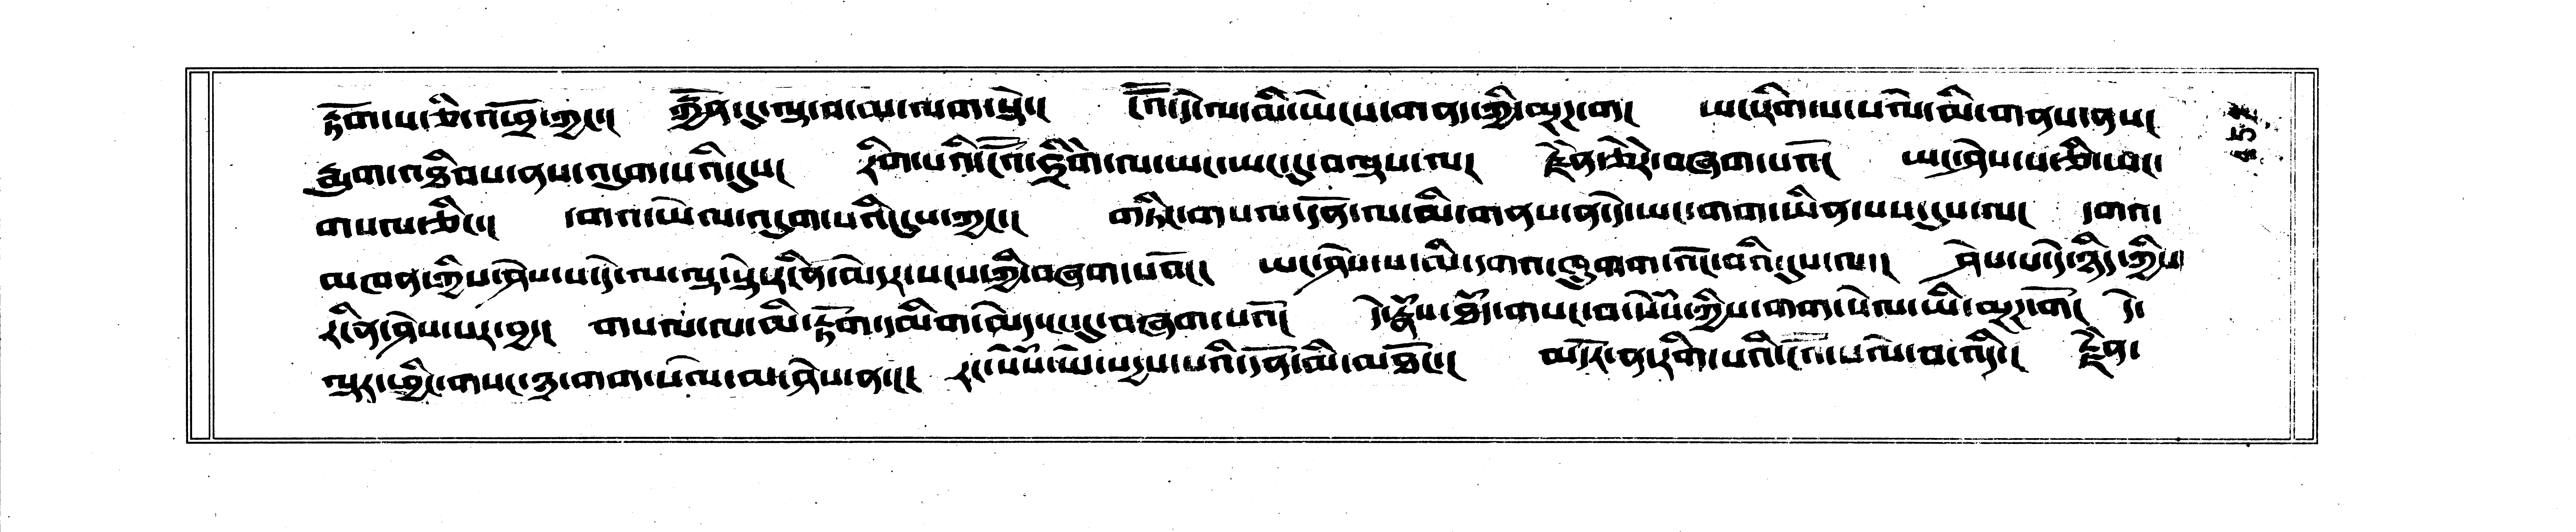ལ་རྟོག་པ་ཅི་འཕྲོས་ཀྱང་སྐྱོན་དུ་ལྟ་བ་མ་ལགས་སྟེ། ངོའོ་དེ་ལ་མི་ཡེངས་པ་གནད་ཀྱིས་མེན་ངག་གོ ཡང་རིག་པ་སལེ་མི་གསལ་ནས། 
རྨུག་རྨུག་འཐིབ་འཐིབ་པ་བྱུང་པའི་དུས། རིག་པའི་ངོའོ་ལ་ཧྲིག་གེ་ཡང་དང་ཡང་དུ་ལྟ་ལ། རྗེན་ནེ་ཅེ་རེ་བཞག་པའོ། ཡང་ཤེས་པ་ཅི་ཡང་
གསལ་ཅིང་ དགའ་ཡ་ཡོ་འདུག་པའི་དུས་ཀྱང་། གཏིང་གསལ་དོན་ལ་མི་གནས་ན། དེ་ཡང་གེགས་ཡིན་པས། དགའ་
མཁན་གྱིས་ཤེས་པ་དེ་ལ་བལྟ་སྟེ། རང་བཞིན་མེད་པར་སངས་ཀྱིས་བཞག་པའོ། ཡང་ཤེས་པ་མི་དགའ་ཀྲུག་ཀྲུག་འོང་པའི་དུས་ལ། ཤེས་པ་དེ་ཉིད་ཀྱིས་
རང་བཞིན་ཤེས་པར་བྱ་སྟེ། གསལ་ལ་མི་རྟོག་མཉམ་ཉིད་ངང་ལ་བཞག་པའོ། དེ་རྣམས་ཐམས་ཅད་གསང་བ་སེམས་ཀྱིས་གགས་སེལ་མེན་ངག་གོ དེ་
ལྟར་ཕྱི་ནང་གསང་གསུམ་གགས་སེལ་མ་ཤེས་ན། རང་སེམས་ཡེ་སངས་རྒྱས་པའི་དོན་མི་མཐོང་། མདོར་ན་རིག་པའི་ངོའོ་སལེ་བ་འདི་ལ། རྗེན་ནེ་